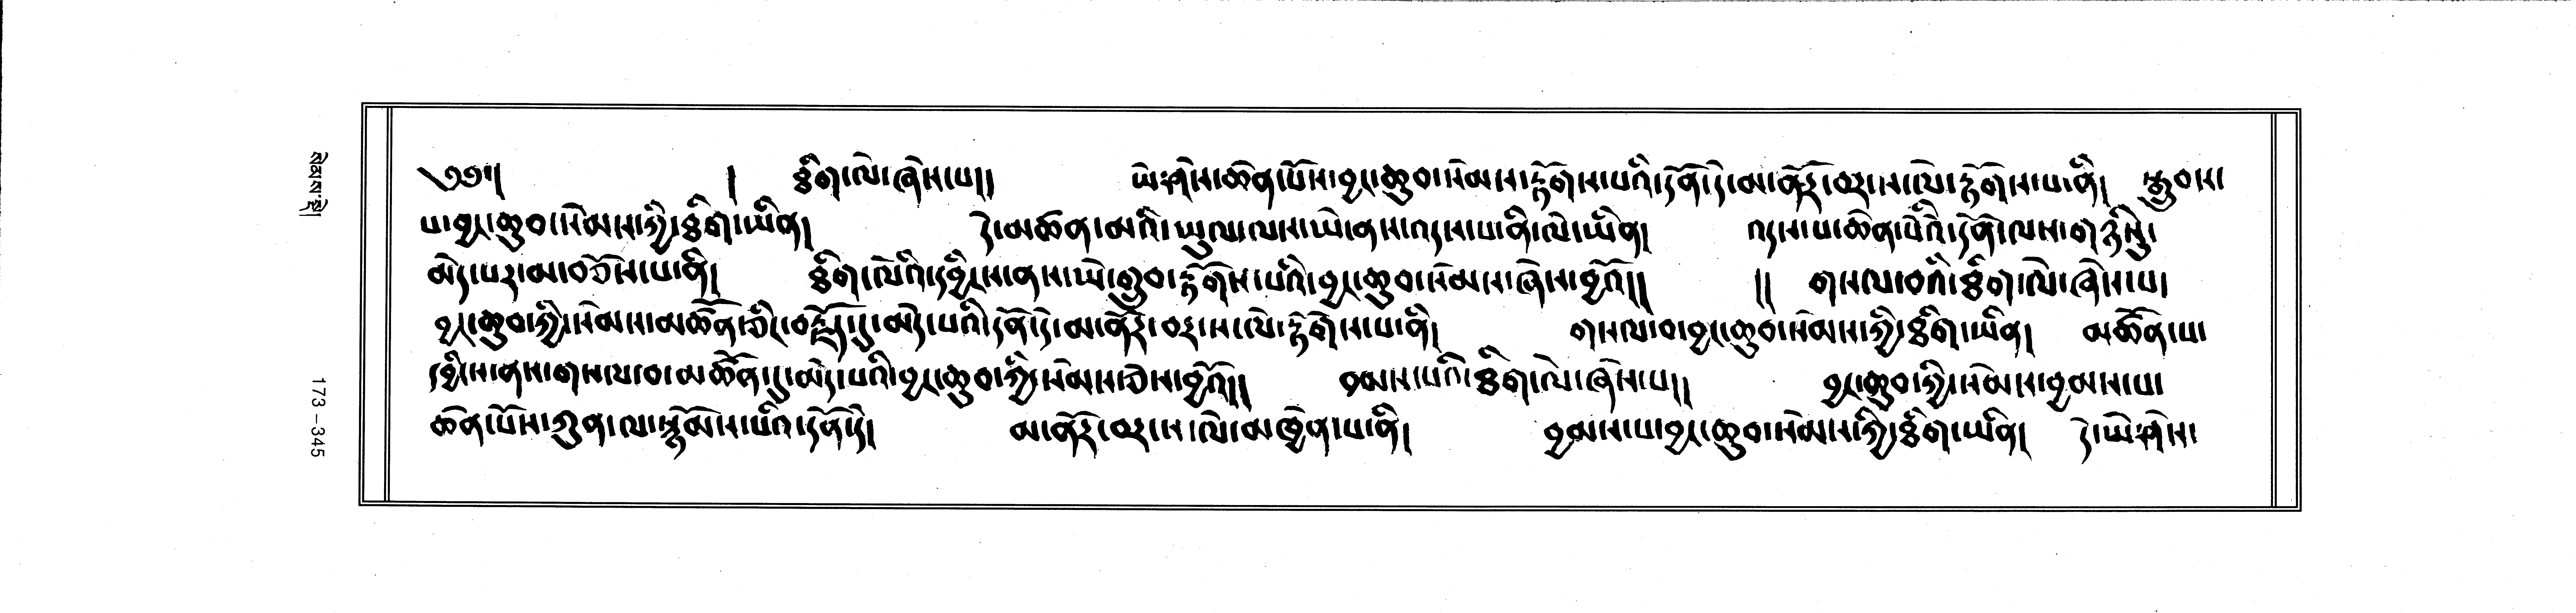ཐིག་ལེ་ཞེས་པ། ཡེ་ཤེས་ཆེན་པོ་བྱང་ཆུབ་སེམས་རྟོགས་པའི་དོན་དེ་མ་ནོར་བར་སལེ་རྟོགས་པ་ནི། སྒྲུབ་
པ་བྱང་ཆུབ་སེམས་ཀྱི་ཐིག་ཡིན། དེ་མཚན་མའི་ཡུལ་ལས་ཡེ་ནས་འདས་པ་ནི་ལེ་ཡིན། འདས་པ་ཆེན་པོའི་དོན་ལས་གཉིས་སུ་
མེད་པར་མ་བཅོས་པ་ནི། ཐིག་ལེའི་དབྱིངས་ནས་ཡེ་གྲུབ་རྟོགས་པའི་བྱང་ཆུབ་སེམས་ཞེས་བྱའོ། །གསལ་བའི་ཐིག་ལེ་ཞེས་པ། 
བྱང་ཆུབ་ཀྱི་སེམས་མཚོན་ཅིང་བརྗོད་དུ་མེད་པའི་དོན་དེ་མ་ནོར་བར་སལེ་རྟོགས་པ་ནི། གསལ་བ་བྱང་ཆུབ་སེམས་ཀྱི་ཐིག་ཡིན། མཚོན་པ་
དབྱིངས་ནས་གསལ་བ་མཚོན་དུ་མེད་པའི་བྱང་ཆུབ་ཀྱི་སེམས་ཅེས་བྱའོ། །བྱམས་པའི་ཐིག་ལེ་ཅེས་པ། བྱང་ཆུབ་ཀྱི་སེམས་བྱམས་པ་
ཆེན་པོས་ཀུན་ལ་སྙོམས་པའི་དོན་དེ། མ་ནོར་བར་སལེ་མཁྱེན་པ་ནི། བྱམས་པ་བྱང་ཆུབ་སེམས་ཀྱི་ཐིག་ཡིན། དེ་ཡེ་ཤེས་